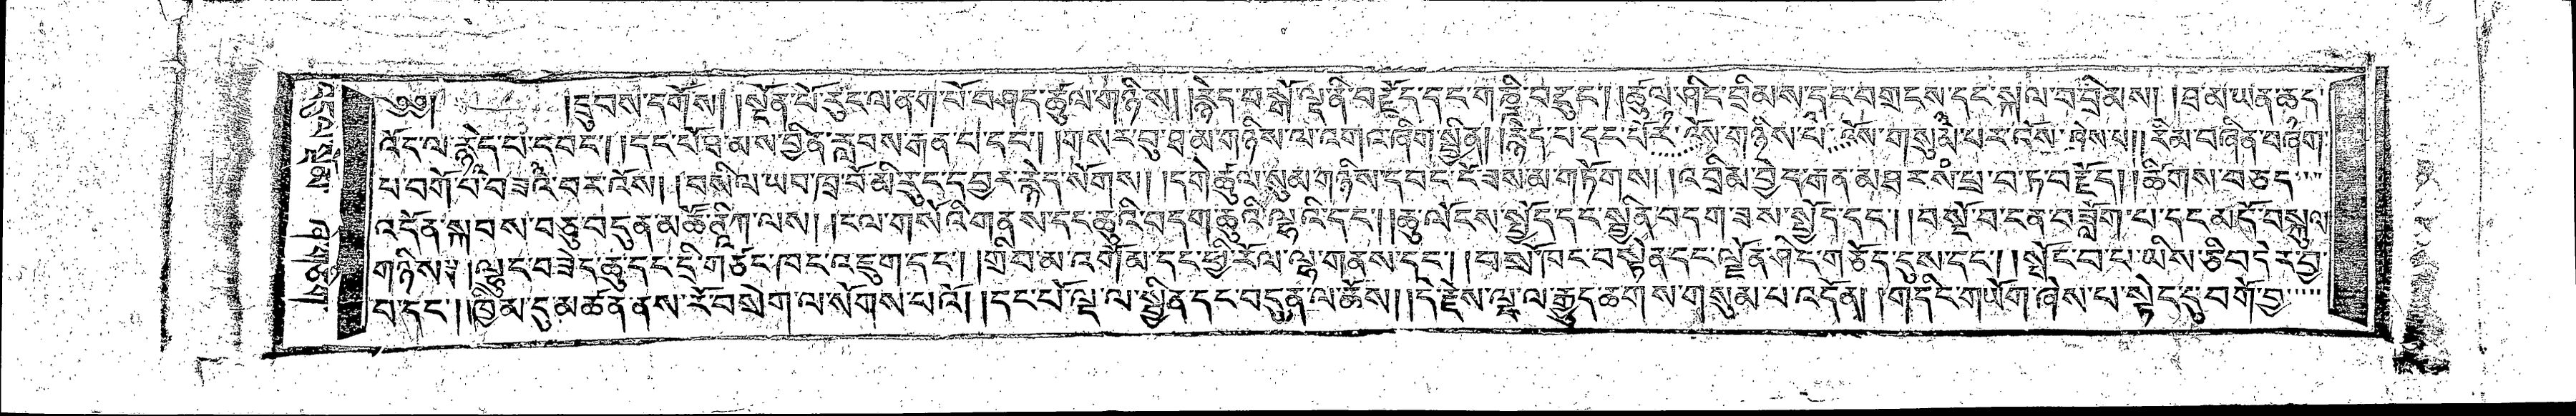༄༅། །དྲུབས་དགོས། །སྔོན་པོ་རུང་ལ་ནག་པོ་བཤད་ཚུལ་གཉིས། །རྙེད་བསྒོ་ལྔ་ནི་བརྗོད་དང་གཎྜི་བརྡུང་། །ཚུལ་ཤིང་བྲིམས་དང་བགྲངས་དང་སྐལ་བ་བྲིམས། །ཐ་མ་ཡན་ཆད་
འོད་ལ་རྙེད་པ་དབང་། །དང་པོ་ཐ་མས་བྱིན་རླབས་རྒན་པ་དང་། །གསར་བུ་ཐ་མ་གཉིས་ལ་འགའ་ཞིག་སྦྱིན། །རྙེད་པ་དང་པོར་འོས་གཉིས་པ་འོས་གསུམ་པར་འོས་ཞེས་པ། །རིམ་བཞིན་བཞག་
པ་བགོ་པ་བཟའ་བར་འོས། །བསིལ་ཡབ་ཁྲ་བོ་མི་རུང་དབྱར་རྙེད་སོགས། །དགེ་ཚུལ་སུམ་གཉིས་དབང་ངོ་ཟས་མ་གཏོགས། །འབྲིམ་བྱེད་རྒན་མཐར་སཾ་པྲ་བ་ཏ་བརྗོད། །ཚིགས་བཅད་
འདོན་སྐབས་བཅུ་བདུན་མཚོ་ཊཱིཀ་ལས། །ངལ་གསོའི་གནས་དང་ཆུའི་བདག་ཆུའི་ལྷའི་དང་། །ཆུ་ལོངས་སྤྱོད་དང་སྦྱིན་བདག་ཟས་སྤྱོད་དང་། །བསྔོ་བ་ངན་བཟློག་པ་དང་མདོ་བསྐུལ་
གཉིས༑ །ལྷུང་བཟེད་ཆུ་དང་དྲི་གཙང་ཁང་འཇུག་དང་། །གྲིབ་མ་འགོམ་དང་ཕྱི་རོལ་ལྷ་གནས་དང་། །བསྲོ་ཁང་བསྟེན་དང་ལྗོན་ཤིང་གཅོད་དུས་དང་། །སྤོང་བ་པ་ཡིས་ཅི་བདེར་བྱ་
བ་དང་། །ཁྱིམ་དུ་མཚན་ནས་རོ་བསྲེག་ལ་སོགས་པའོ། །དང་པོ་ལྔ་ལ་སྦྱིན་དང་བདུན་ལ་ཆོས། །དེ་རྗེས་ལྔ་ལ་རྒྱུད་ཆགས་གསུམ་པ་འདོན། །གདིང་གཡོག་ཞེས་པ་སྟེང་དུ་བགོ་བྱ་